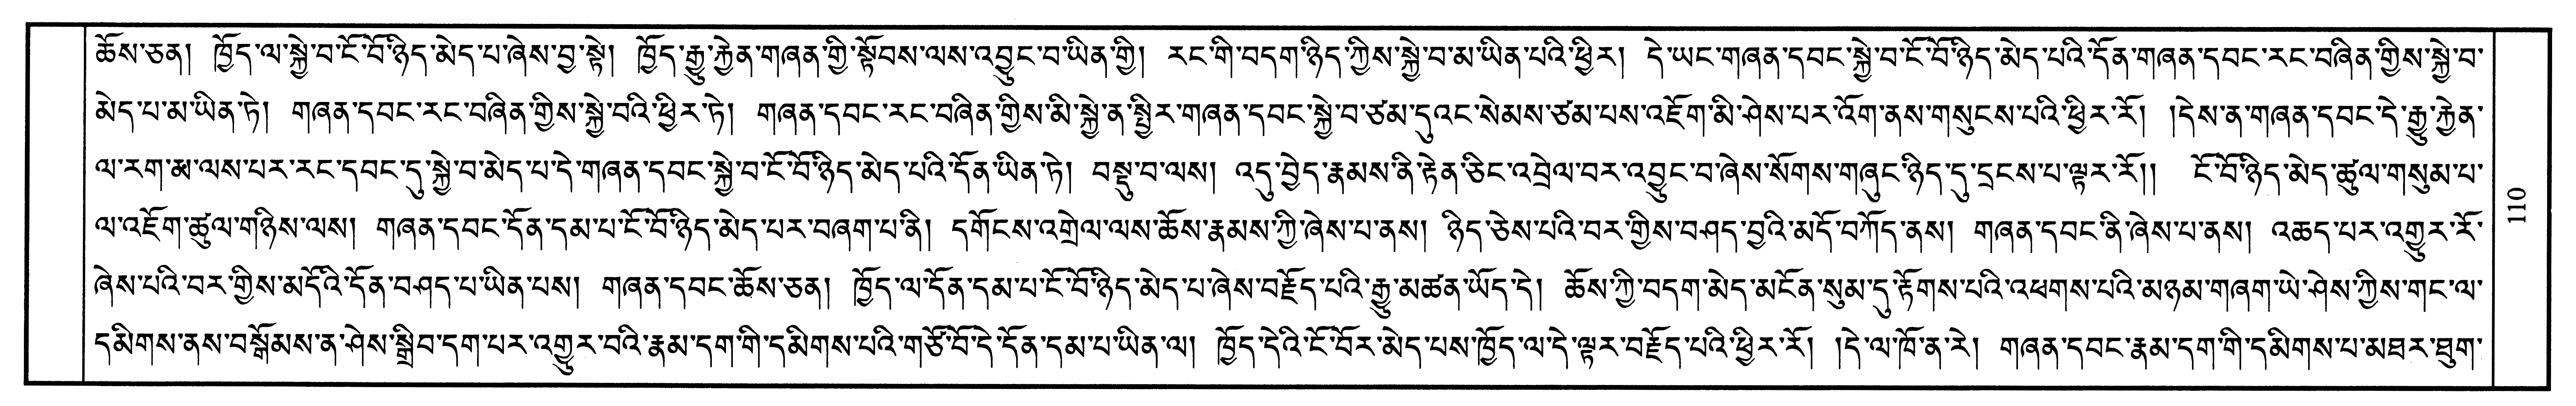ཆོས་ཅན། ཁྱོད་ལ་སྐྱེ་བ་ངོ་བོ་ཉིད་མེད་པ་ཞེས་བྱ་སྟེ། ཁྱོད་རྒྱུ་རྐྱེན་གཞན་གྱི་སྟོབས་ལས་འབྱུང་བ་ཡིན་གྱི། རང་གི་བདག་ཉིད་ཀྱིས་སྐྱེ་བ་མ་ཡིན་པའི་ཕྱིར། དེ་ཡང་གཞན་དབང་སྐྱེ་བ་ངོ་བོ་ཉིད་མེད་པའི་དོན་གཞན་དབང་རང་བཞིན་གྱིས་སྐྱེ་བ་
མེད་པ་མ་ཡིན་ཏེ། གཞན་དབང་རང་བཞིན་གྱིས་སྐྱེ་བའི་ཕྱིར་ཏེ། གཞན་དབང་རང་བཞིན་གྱིས་མི་སྐྱེ་ན་སྤྱིར་གཞན་དབང་སྐྱེ་བ་ཙམ་དུའང་སེམས་ཙམ་པས་འཇོག་མི་ཤེས་པར་འོག་ནས་གསུངས་པའི་ཕྱིར་རོ། །དེས་ན་གཞན་དབང་དེ་རྒྱུ་རྐྱེན་
ལ་རག་མ་ལས་པར་རང་དབང་དུ་སྐྱེ་བ་མེད་པ་དེ་གཞན་དབང་སྐྱེ་བ་ངོ་བོ་ཉིད་མེད་པའི་དོན་ཡིན་ཏེ། བསྡུ་བ་ལས། འདུ་བྱེད་རྣམས་ནི་རྟེན་ཅིང་འབྲེལ་བར་འབྱུང་བ་ཞེས་སོགས་གཞུང་ཉིད་དུ་དྲངས་པ་ལྟར་རོ།། ངོ་བོ་ཉིད་མེད་ཚུལ་གསུམ་པ་
ལ་འཇོག་ཚུལ་གཉིས་ལས། གཞན་དབང་དོན་དམ་པ་ངོ་བོ་ཉིད་མེད་པར་བཞག་པ་ནི། དགོངས་འགྲེལ་ལས་ཆོས་རྣམས་ཀྱི་ཞེས་པ་ནས། ཉིད་ཅེས་པའི་བར་གྱིས་བཤད་བྱའི་མདོ་བཀོད་ནས། གཞན་དབང་ནི་ཞེས་པ་ནས། འཆད་པར་འགྱུར་རོ་
ཞེས་པའི་བར་གྱིས་མདོའི་དོན་བཤད་པ་ཡིན་པས། གཞན་དབང་ཆོས་ཅན། ཁྱོད་ལ་དོན་དམ་པ་ངོ་བོ་ཉིད་མེད་པ་ཞེས་བརྗོད་པའི་རྒྱུ་མཚན་ཡོད་དེ། ཆོས་ཀྱི་བདག་མེད་མངོན་སུམ་དུ་རྟོགས་པའི་འཕགས་པའི་མཉམ་གཞག་ཡེ་ཤེས་ཀྱིས་གང་ལ་
དམིགས་ནས་བསྒོམས་ན་ཤེས་སྒྲིབ་དག་པར་འགྱུར་བའི་རྣམ་དག་གི་དམིགས་པའི་གཙོ་བོ་དེ་དོན་དམ་པ་ཡིན་ལ། ཁྱོད་དེའི་ངོ་བོར་མེད་པས་ཁྱོད་ལ་དེ་ལྟར་བརྗོད་པའི་ཕྱིར་རོ། །དེ་ལ་ཁོ་ན་རེ། གཞན་དབང་རྣམ་དག་གི་དམིགས་པ་མཐར་ཐུག་